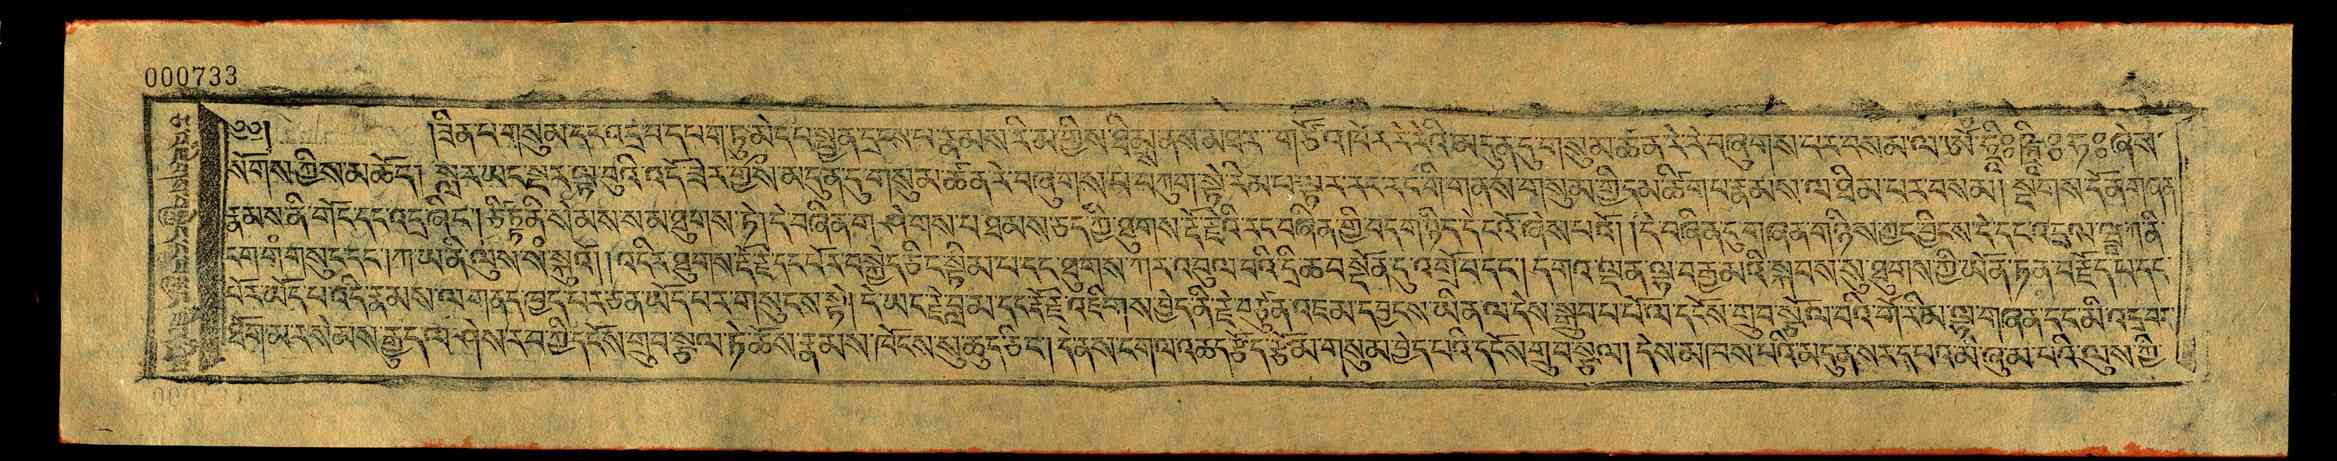༄༅། །ཟིན་པ་གསུམ་དང་འདྲ་བ་དཔག་ཏུ་མེད་པ་སྤྱན་དྲངས་པ་རྣམས་རིམ་གྱིས་ཐིམས་ནས་མ་ཐར་གཙོ་འཁོར་རེ་རེའི་མདུན་དུ་གསུམ་ཚན་རེ་རེ་བཞུགས་པར་བསམ་ལ་ཨོཾ་ཧྲཱིཿ ཥྚྲཱིཿ ཧཿ ཞེས་
སོགས་ཀྱིས་མཆོད། སླར་ཡང་སྔར་ལྟ་བུའི་འོད་ཟེར་གྱིས་མདུན་དུ་གསུམ་ཚན་རེ་བཞུགས་པ་བཀུག་སྟེ་རིམ་པ་ལྟར་རང་རང་གི་གནས་གསུམ་གྱི་དམ་ཚིག་པ་རྣམས་ལ་ཐིམ་པར་བསམ། སྔགས་དོན་གཞན་
རྣམས་ནི་གོང་དང་འདྲ་ཞིང་། ཙིཏྟ་ནི་སེམས་སམ་ཐུགས་ཏེ། དེ་བཞིན་གཤེགས་པ་ཐམས་ཅད་ཀྱི་ཐུགས་རྡོ་རྗེའི་རང་བཞིན་གྱི་བདག་ཉིད་དེ་ངའོ་ཞེས་པའོ། །དེ་བཞིན་དུ་གཞན་གཉིས་ཀྱང་བྱིངས་དེ་དང་འདྲ་ལ་ཝཱཀ་ནི་
ངག་གཾ་གསུང་དང་། ཀཱཡ་ནི་ལུས་སཾ་སྐུའོ། །འདིར་ཐུགས་རྡོ་རྗེ་དང་པོར་བསྐྱེད་ཅིང་སྟིམ་པ་དང་ཐུགས་ཀར་འབུལ་བའི་དྲི་ཆབ་སྔོན་དུ་འགྲོ་བ་དང་། དགའ་ལྡན་ལྷ་བརྒྱ་མའི་སྐབས་སུ་ཐུགས་ཀྱི་ཡོན་ཏན་བརྗོད་པ་དང་
པོར་ཡོད་པ་འདི་རྣམས་ལ་གནད་ཁྱད་པར་ཅན་ཡོད་པར་གསུངས་སྟེ། དེ་ཡང་རྗེ་བླ་མ་དང་རྡོ་རྗེ་འཇིགས་བྱེད་ནི་རྗེ་བཙུན་འཇམ་དབྱངས་ཡིན་ལ་དེས་སྒྲུབ་པ་པོ་ལ་དངོས་གྲུབ་སྩོལ་བའི་གོ་རིམ་ལྷ་གཞན་དང་མི་འདྲ་བར་
ཐོག་མར་སེམས་རྒྱུད་ལ་ཤེས་རབ་ཀྱི་དངོས་གྲུབ་སྩལ་ཏེ་ཆོས་རྣམས་ཁོངས་སུ་ཆུད་ཅིང་། དེ་ནས་ངག་ལ་འཆད་རྩོད་རྩོམ་གསུམ་བྱེད་པའི་དངོས་གྲུབ་སྩལ། དེས་མཁས་པའི་མདུན་སར་དཔའ་མི་ཞུམ་པའི་ལུས་ཀྱི་